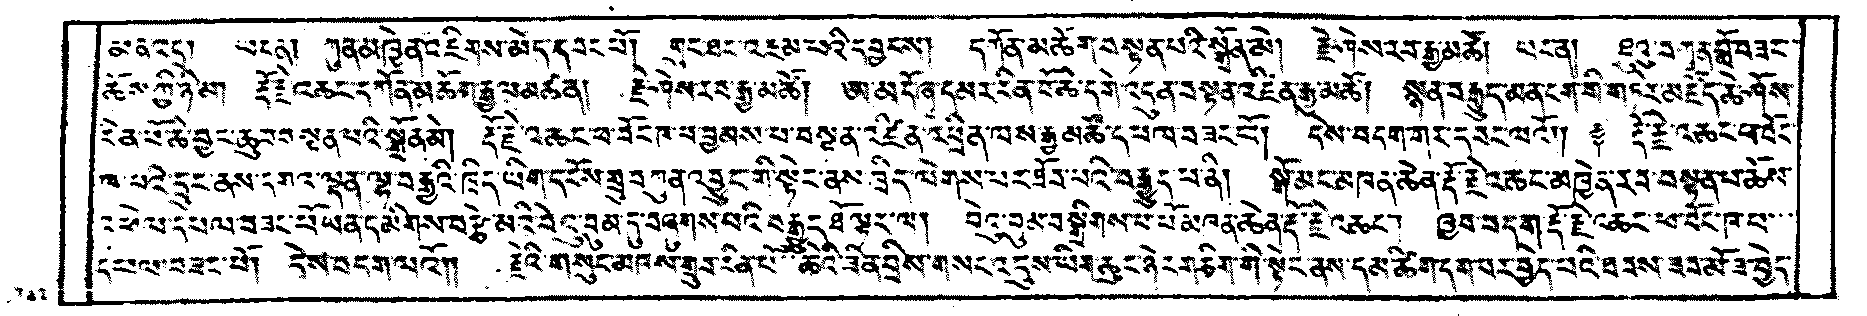མན་འདྲ། ཡང་ན། ཀུན་མཁྱེན་འཇིགས་མེད་དབང་པོ། གུང་ཐང་འཇམ་པའི་དབྱངས། དཀོན་མཆོག་བསྟན་པའི་སྒྲོན་མེ། རྗེ་ཤེས་རབ་རྒྱ་མཚོ། ཡང་ན། ཐུའུ་བཀྭན་བློ་བཟང་
ཆོས་ཀྱི་ཉི་མ། རྡོ་རྗེ་འཆང་དཀོན་མཆོག་རྒྱལ་མཚན། རྗེ་ཤེས་རབ་རྒྱ་མཚོ། ཨ་མདོ་ཞྭ་དམར་རིན་པོ་ཆེ་དགེ་འདུན་བསྟན་འཛིན་རྒྱ་མཚོ། སྙན་བརྒྱུད་མན་ངག་གི་གཏེར་མཛོད་ཆེ་ཤོས་
རིན་པོ་ཆེ་བྱང་ཆུབ་བསྟན་པའི་སྒྲོན་མེ། རྡོ་རྗེ་འཆང་ཕ་བོང་ཁ་པ་བྱམས་པ་བསྟན་འཛིན་འཕྲིན་ལས་རྒྱ་མཚོ་དཔལ་བཟང་པོ། དེས་བདག་གར་དབང་ལའོ།། ༈ རྡོ་རྗེ་འཆང་ཕ་བོང་
ཁ་པའི་དྲུང་ནས་དགའ་ལྡན་ལྷ་བརྒྱའི་ཁྲིད་ཡིག་དངོས་གྲུབ་ཀུན་འབྱུང་གི་སྟེང་ནས་ཁྲིད་ལེགས་པར་ཐོབ་པའི་བརྒྱུད་པ་ནི། སྒོ་མང་མཁན་ཆེན་རྡོ་རྗེ་འཆང་མཁྱེན་རབ་བསྟན་པ་ཆོས་
འཕེལ་དཔལ་བཟང་པོ་ཡན་དམིགས་བརྩེ་མའི་བེའུ་བུམ་དུ་བཞུགས་པའི་བརྒྱུད་ཐོ་ལྟར་ལ། བེའུ་བུམ་བསྒྲིགས་པ་པོ་མཁན་ཆེན་རྡོ་རྗེ་འཆང་། ཁྱབ་བདག་རྡོ་རྗེ་འཆང་ཕ་བོང་ཁ་པ་
དཔལ་བཟང་པོ། དེས་བདག་ལའོ།། རྗེའི་གསུང་མཁས་གྲུབ་རིན་པོ་ཆེའི་ཟིན་བྲིས་གསང་འདུས་ཡིག་ཆུང་ཉེར་གཅིག་གི་སྟེང་ནས་དམ་ཚིག་དག་པར་བྱེད་པའི་ཐབས་ཟབ་མོ་ཟ་བྱེད་